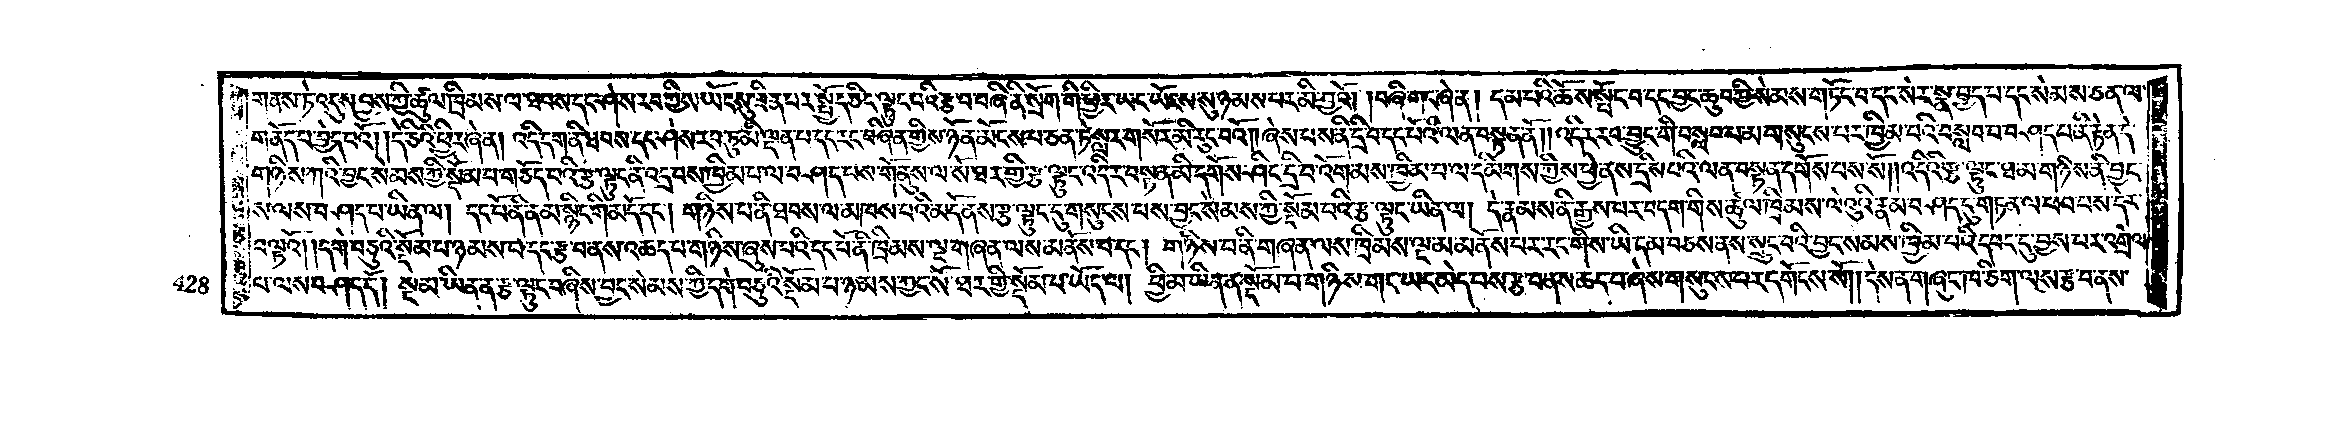གནས་ཏེ་འདུས་བྱས་ཀྱི་ཚུལ་ཁྲིམས་ལ་ཐབས་དང་ཤེས་རབ་ཀྱིས་ཡོངས་སུ་ཟིན་པར་སྤྱོད་ཅིང་ལྟུང་བའི་རྩ་བ་བཞི་ནི་སྲོག་གི་ཕྱིར་ཡང་ཡོངས་སུ་ཉམས་པར་མི་བྱའོ། །བཞི་གང་ཞེ་ན། དམ་པའི་ཆོས་སྤོང་བ་དང་བྱང་ཆུབ་ཀྱི་སེམས་གཏོང་བ་དང་སེར་སྣ་བྱད་པ་དང་སེམས་ཅན་ལ་
གནོད་པ་བྱེད་པའོ། །དེ་ཅིའི་ཕྱིར་ཞེ་ན། འདི་དག་ནི་ཐབས་དང་ཤེས་རབ་ཏུ་མི་ལྡན་པ་དང་རང་བཞིན་གྱིས་ཉོན་མོངས་པ་ཅན་ཏེ་སླར་གསོར་མི་རུང་བའོ། །ཞེས་པས་ནི་དྲི་བ་དང་པོའི་ལན་བསྟན་ནོ། །འདིར་རབ་བྱུང་གི་བསླབ་པ་མ་གསུངས་པར་ཁྱིམ་པའི་བསླབ་པ་བཤད་པ་ནི་རྟེན་དེ་
གཉིས་ཀའི་བྱང་སེམས་ཀྱི་སྡོམ་པ་གཅོད་པའི་རྩ་ལྟུང་ནི་འདྲ་བས་ཁྱིམ་པ་ལ་བཤད་པས་གོ་ནུས་ལ་སོ་ཐར་གྱི་རྩ་ལྟུང་འདིར་བསྟན་མི་དགོས་ཤིང་དྲི་བ་འོག་མས་ཁྱིམ་པ་ལ་དམིགས་ཀྱིས་ཕྱེ་ནས་དྲིས་པའི་ལན་བསྟན་དགོས་པས་སོ། །འདིའི་རྩ་ལྟུང་ཐ་མ་གཉིས་ནི་བྱང་
ས་ལས་བཤད་པ་ཡིན་ལ། དང་པོ་ནི་ནམ་སྙིང་གི་མདོ་དང་། གཉིས་པ་ནི་ཐབས་ལ་མཁས་པའི་མདོ་ནས་རྩ་ལྟུང་དུ་གསུངས་པས་བྱང་སེམས་ཀྱི་སྡོམ་པའི་རྩ་ལྟུང་ཡིན་ལ། དེ་རྣམས་ནི་རྒྱས་པར་བདག་གིས་ཚུལ་ཁྲིམས་ལེའུའི་རྣམ་བཤད་དུ་གཏན་ལ་ཕབ་པས་དེར་
བལྟའོ། །དགེ་བཅུའི་སྡོམ་པ་ཉམས་པ་དང་རྩ་བ་ནས་འཆད་པ་གཉིས་ཞུས་པའི་དང་པོ་ནི་ཁྲིམས་ལྔ་གཞན་ལས་མནོས་པ་དང་། གཉིས་པ་ནི་གཞན་ལས་ཁྲིམས་ལྔ་མ་མནོས་པར་རང་གིས་ཡི་དམ་བཅས་ནས་སྲུང་བའི་བྱང་སེམས་ཁྱིམ་པའི་དབང་དུ་བྱས་པར་འགྲེལ་
པ་ལས་བཤད་དོ། སྔ་མ་ཡིན་ན་རྩ་ལྟུང་བཞིས་བྱང་སེམས་ཀྱི་དགེ་བཅུའི་སྡོམ་པ་ཉམས་ཀྱང་སོ་ཐར་གྱི་སྡོམ་པ་ཡོད་ལ། ཕྱི་མ་ཡིན་ན་སྡོམ་པ་གཉིས་གང་ཡང་མེད་པས་རྩ་བ་ནས་ཆད་པ་ཞེས་གསུངས་པར་དགོངས་སོ། །དེས་ན་གཞུང་ཁ་ཅིག་ལས་རྩ་བ་ནས་